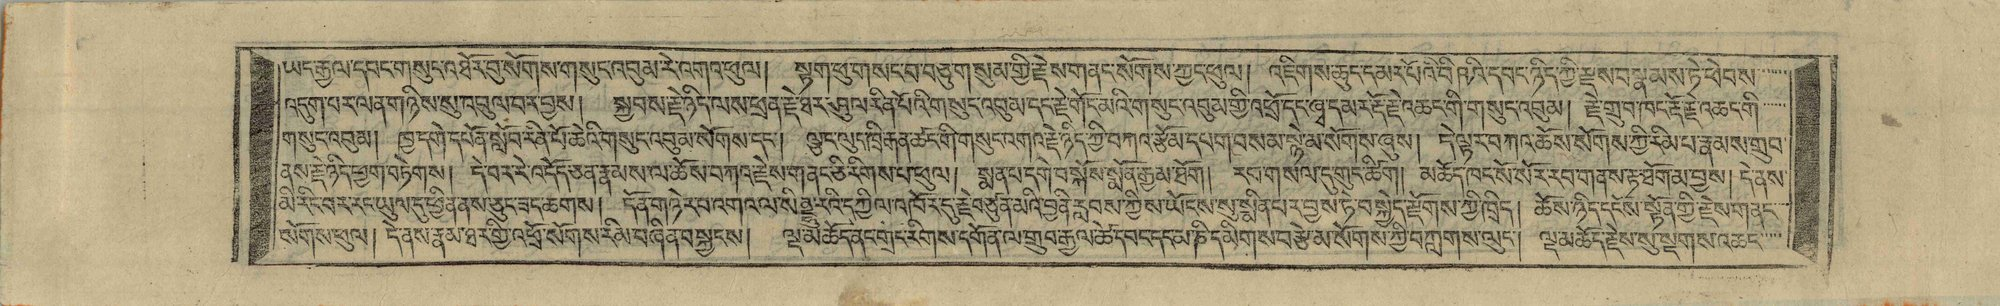ཡང་རྒྱལ་དབང་གསུང་འཐོར་བུ་སོགས་གསུང་འབུམ་རེ་འགའ་ཕུལ། སྟག་ཕུ་གསང་བ་བཅུ་གསུམ་གྱི་རྗེས་གནང་སོགས་ཀྱང་ཕུལ། འཇིགས་ཆུང་དམར་པོའི་བིཥའི་དབང་ཉིད་ཀྱི་རྫས་བསྣམས་ཏེ་ཕེབས་
འདུག་པར་ལན་གཉིས་སུ་འབུལ་བར་བྱས། སྐྱབས་རྗེ་ཉིད་ལས་ཕྲན་རྗེ་ཐར་ཤུལ་རིན་པོའི་གསུང་འབུམ་དང་རྗེ་གོང་མའི་གསུང་འབུམ་གྱི་འཕྲོ་དང་ཞྭ་དམར་རྡོ་རྗེ་འཆང་གི་གསུང་འབུམ། རྗེ་གྲུབ་ཁང་རྡོ་རྗེ་འཆང་གི་
གསུང་འབུམ། ཁྱ་དགེ་དཔོན་སློབ་རིན་པོ་ཆེའི་གསུང་འབུམ་སོགས་དང་། ལྕང་ལུང་ཁྲི་རྒན་ཚང་གི་གསུང་འགའ་རྗེ་ཉིད་ཀྱི་བཀའ་རྩོམ་དཔག་བསམ་སྙེ་མ་སོགས་ཞུས། དེ་ལྟར་བཀའ་ཆོས་སོགས་ཀྱི་རིམ་པ་རྣམས་གྲུབ་
ནས་རྗེ་ཉིད་ཕྱག་བཏེགས། དེ་བར་རེ་འདོད་ཅན་རྣམས་ལ་ཆོས་བཀའ་རྗེས་གནང་ཅི་རིགས་པ་ཕུལ། སྨན་པ་དགེ་བསྐོས་སྨོན་རྒྱམ་ཐོག །རབ་གསལ་དུ་གུང་ཚིག །མཆོད་ཁང་སོ་སོར་རབ་གནས་རྟ་ཐོག་མ་བྱས། དེ་ནས་
མི་རིང་བར་རང་ཡུལ་དུ་ཕྱིན་ནས་ཅུང་ཟད་ཆགས། དོན་གཉེར་བ་འགའ་ལ་སིནྡྷུ་རའི་དཀྱིལ་འཁོར་དུ་རྗེ་བཙུན་མའི་བྱིན་རླབས་ཀྱིས་ཡོངས་སུ་སྨིན་པར་བྱས་ཏེ་བསྐྱེད་རྫོགས་ཀྱི་ཁྲིད། ཆོས་ཉིད་དངོས་སྟོན་གྱི་རྗེས་གནང་
སོགས་ཕུལ། དེ་ནས་རྣམ་ཐར་གྱི་འཕྲོ་སོགས་རིམ་བཞིན་བསྐྱངས། ལྔ་མཆོད་ནང་གྲོང་རིགས་དགོན་ལ་གྲུབ་རྒྱལ་ཚེ་དབང་དང་མ་ཎི་དམིགས་བརྩེ་མ་སོགས་ཀྱི་བཀླགས་ལུང་། ལྔ་མཆོད་རྗེས་སུ་སྔགས་འཆང་
༄༅༅༅་་༄༅༅༅